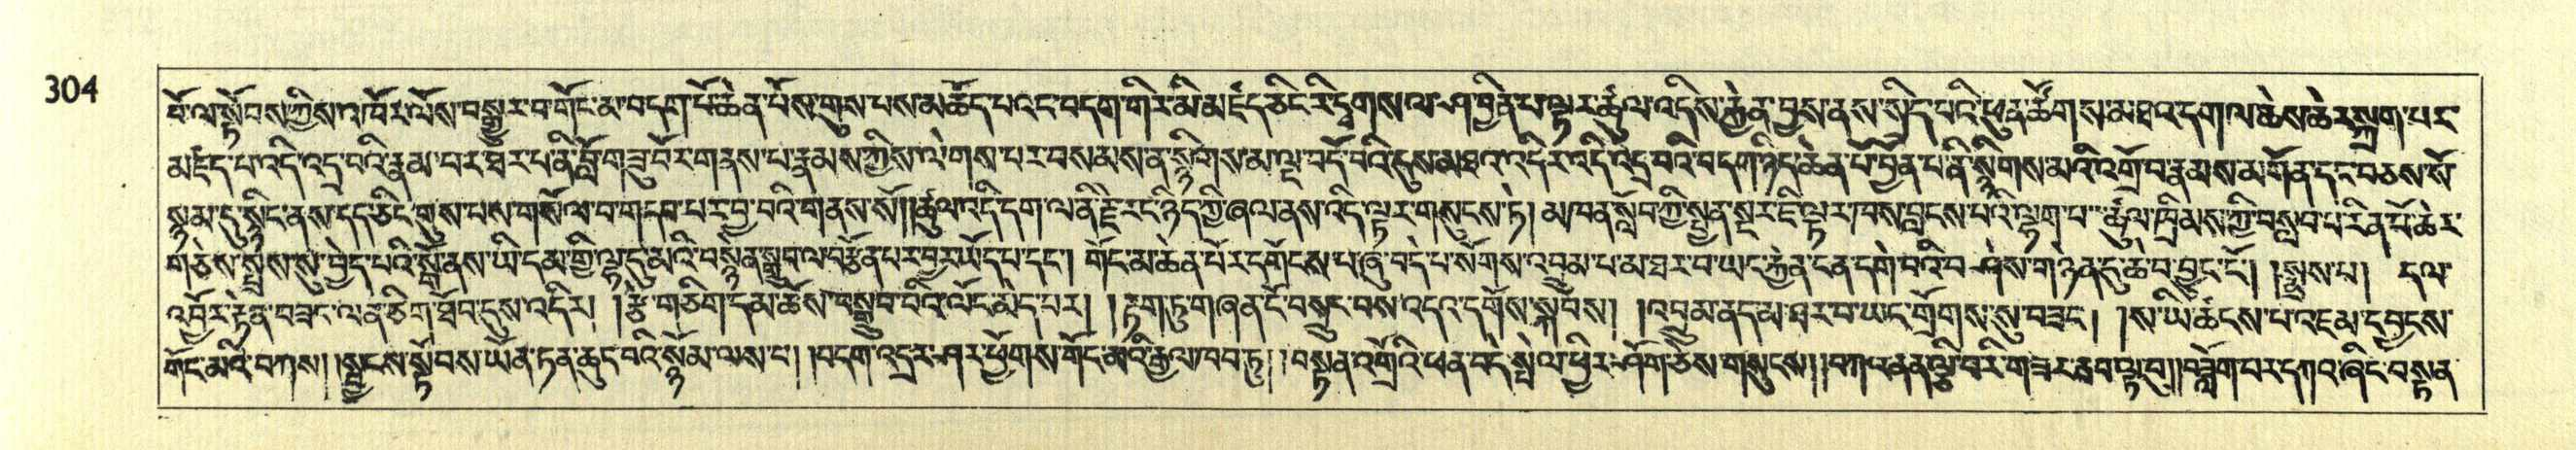པོ་ལ་སྟོབས་ཀྱིས་འཁོར་ལོས་བསྒྱུར་བ་གོང་མ་བདག་པོ་ཆེན་པོས་གུས་པས་མཆོད་པའང་བདག་གིར་མི་མཛད་ཅིང་རི་དྭགས་ལ་ཤ་བྱིན་པ་ལྟར་ཚུལ་འདིས་རྐྱེན་བྱས་ནས་སྲིད་པའི་ཕུན་ཚོགས་མཐའ་དག་ལ་ཆེས་ཆེར་སྐྲག་པར་
མཛད་པ་འདི་འདྲ་བའི་རྣམ་པར་ཐར་པ་ནི་བློ་གཟུ་བོར་གནས་པ་རྣམས་ཀྱིས་ལེགས་པར་བསམས་ན་སྙིགས་མ་ལྔ་བདོ་བའི་དུས་མཐའ་འདིར་འདི་འདྲ་བའི་བདག་ཉིད་ཆེན་པོ་བྱོན་པ་ནི་སྙིགས་མའི་འགྲོ་བ་རྣམས་མགོན་དང་བཅས་སོ་
སྙམ་དུ་སྙིང་ནས་དད་ཅིང་གུས་པས་གསོལ་བ་གདབ་པར་བྱ་བའི་གནས་སོ། །ཚུལ་འདི་དག་ལ་ནི་རྗེ་རང་ཉིད་ཀྱི་ཞལ་ནས་འདི་ལྟར་གསུངས་ཏེ། མཁན་སློབ་ཀྱི་སྤྱན་སྔར་ཇི་ལྟར་ཁས་བླངས་པའི་ལྷག་པ་ཚུལ་ཁྲིམས་ཀྱི་བསླབ་པ་རིན་པོ་ཆེར་
གཅེས་སྤྲས་སུ་བྱེད་པའི་སྒོ་ནས་ཡི་དམ་གྱི་ལྷ་དུ་མའི་བསྙེན་སྒྲུབ་ལ་བརྩོན་པར་བྱར་ཡོད་པ་དང་། གོང་མ་ཆེན་པོར་དགོངས་པ་ཞུ་བདེ་པ་སོགས་འབྲུམ་པ་མ་ཐར་བ་ཡང་རྐྱེན་ངན་དགེ་བའི་བཤེས་གཉེན་དུ་ཆེ་བ་བྱུང་ངོ། །སྨྲས་པ། དལ་
འབྱོར་རྟེན་བཟང་ལན་ཅིག་ཐོབ་དུས་འདིར། །རྩེ་གཅིག་དམ་ཆོས་བསྒྲུབ་པའི་ལོང་མེད་པར། །རྟག་ཏུ་གཞན་ངོ་བསྲུང་བས་འདའ་དགོས་སྐབས། །འབྲུམ་ནད་མ་ཐར་བ་ཡང་གྲོགས་སུ་བཟང་། །ས་ཡི་ཚངས་པ་འཇམ་དབྱངས་
གོང་མའི་བཀས། །སྦྱངས་སྟོབས་ཡོན་ཏན་ཆུང་བའི་སྙོམ་ལས་པ། །བདག་འདྲར་ཤར་ཕྱོགས་གོང་མའི་རྒྱལ་ཁབ་ཏུ། །བསྟན་འགྲོའི་ཕན་བདེ་སྤེལ་ཕྱིར་ཤོག་ཅེས་གསུངས། །བཀའ་ནན་ལྕི་བ་རི་གཟར་རྦབ་ལྟ་བུ། །བཟློག་པར་དཀའ་ཞིང་བསྟན་